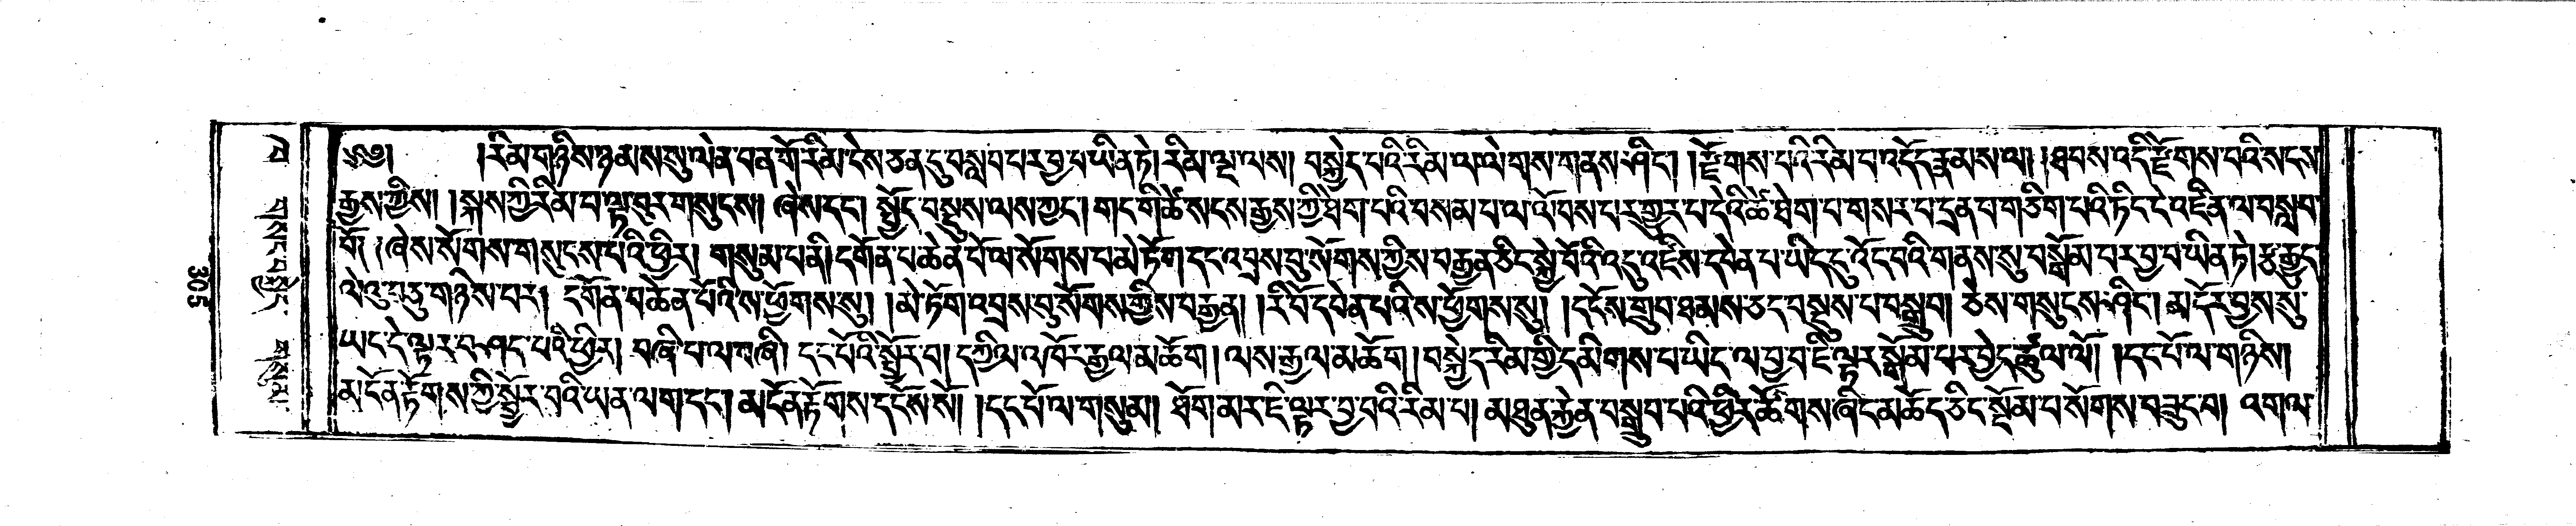༄༅། །རིམ་གཉིས་ཉམས་སུ་ལེན་པ་ན་གོ་རིམ་ངེས་ཅན་དུ་བསླབ་པར་བྱ་བ་ཡིན་ཏེ། རིམ་ལྔ་ལས། བསྐྱེད་པའི་རིམ་ལ་ལེགས་གནས་ཤིང་། །རྫོགས་པའི་རིམ་པ་འདོད་རྣམས་ལ། །ཐབས་འདི་རྫོགས་པའི་སངས་
རྒྱས་ཀྱིས། །སྐས་ཀྱི་རིམ་པ་ལྟ་བུར་གསུངས། ཞེས་དང་། སྤྱོད་བསྡུས་ལས་ཀྱང་། གང་གི་ཚེ་སངས་རྒྱས་ཀྱི་ཐེག་པའི་བསམ་པ་ལ་ལོབས་པར་གྱུར་པ་དེའི་ཚེ་ཐེག་པ་གསར་བ་དྲན་པ་གཅིག་པའི་ཏིང་ངེ་འཛིན་ལ་བསླབ་
བོ༑ ༑ཞེས་སོགས་གསུངས་པའི་ཕྱིར། གསུམ་པ་ནི། དགོན་པ་ཆེན་པོ་ལ་སོགས་པ་མེ་ཏོག་དང་འབྲས་བུ་སོགས་ཀྱིས་བརྒྱན་ཅིང་སྐྱེ་བོའི་འདུ་འཛིས་དབེན་པ་ཡིད་དུ་འོང་བའི་གནས་སུ་བསྒོམ་པར་བྱ་བ་ཡིན་ཏེ། རྩ་རྒྱུད་
ལེའུ་བཅུ་གཉིས་པར། དགོན་པ་ཆེན་པོའི་ས་ཕྱོགས་སུ། །མེ་ཏོག་འབྲས་བུ་སོགས་ཀྱིས་བརྒྱན། །རི་བོ་དབེན་པའི་ས་ཕྱོགས་སུ། །དངོས་གྲུབ་ཐམས་ཅད་བསྡུས་པ་བསྒྲུབ། ཅེས་གསུངས་ཤིང་། མདོར་བྱས་སུ་
ཡང་དེ་ལྟར་བཤད་པའི་ཕྱིར། བཞི་པ་ལ་བཞི། དང་པོའི་སྦྱོར་བ། དཀྱིལ་འཁོར་རྒྱལ་མཆོག །ལས་རྒྱལ་མཆོག །བསྐྱེད་རིམ་གྱི་དམིགས་པ་ཡིད་ལ་བྱ་བ་ཇི་ལྟར་སྒོམ་པར་བྱེད་ཚུལ་ལོ། །དང་པོ་ལ་གཉིས།
མངོན་རྟོགས་ཀྱི་སྦྱོར་བའི་ཡན་ལག་དང་། མངོན་རྟོགས་དངོས་སོ། །དང་པོ་ལ་གསུམ། ཐོག་མར་ཇི་ལྟར་བྱ་བའི་རིམ་པ། མཐུན་རྐྱེན་བསྒྲུབ་པའི་ཕྱིར་ཚོགས་ཞིང་མཆོད་ཅིང་སྡོམ་པ་སོགས་བཟུང་བ། འགལ་